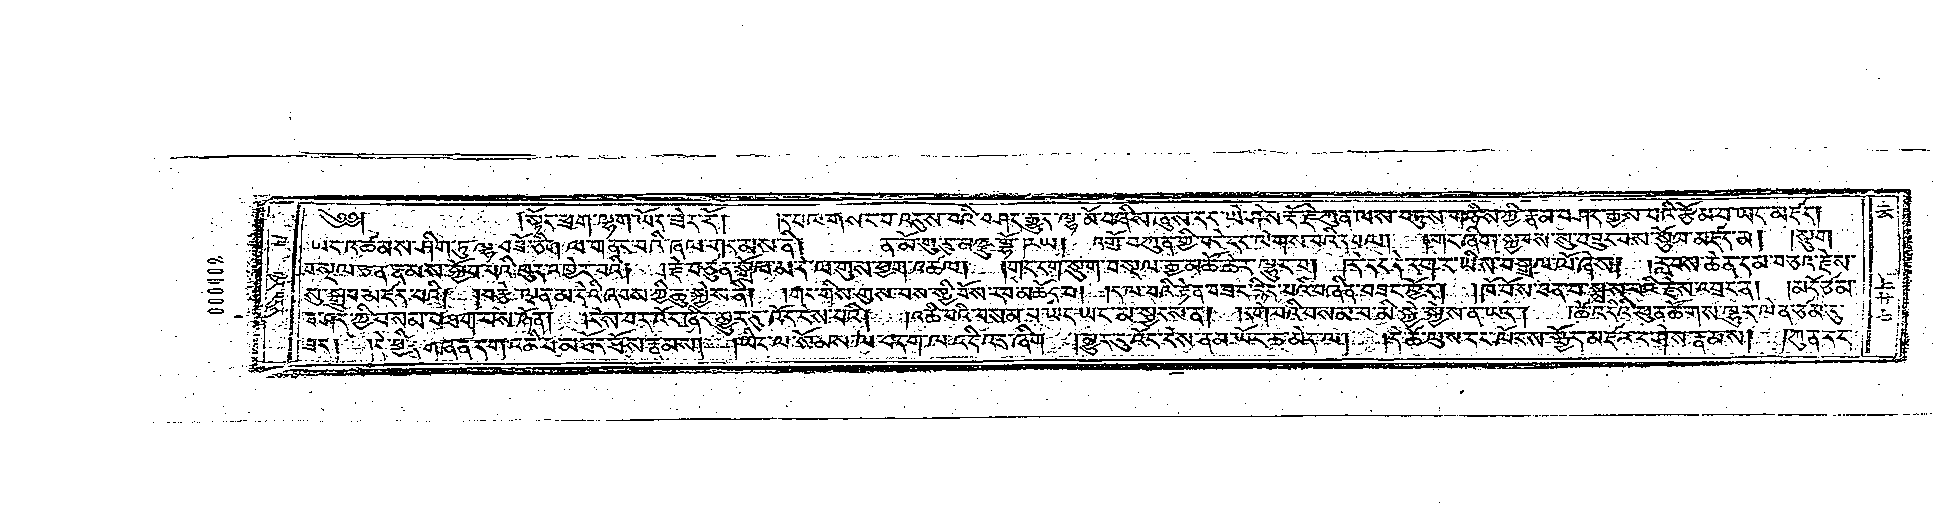༄༅། །སྟོང་ཕྲག་ལྷག་ཡོད་ཟེར་རོ། །དཔལ་གསང་བ་འདུས་པའི་བཤད་རྒྱུད་ལྷ་མོ་བཞིས་ཞུས་དང་ཡེ་ཤེས་རྡོ་རྗེ་ཀུན་ལས་བཏུས་གཉིས་ཀྱི་རྣམ་པ་ཤད་རྒྱས་པའི་རྩོམ་པ་ཡང་མཛད།
ཡང་འཚམས་ཤིག་ཏུ་ལྷ་བཟོ་ཅིག་ལ་གནང་བའི་ཞལ་གདམས་ནི། ན་མོ་གུ་རུ་མཉྫུ་གྷོ་ཥ་ཡ། འགྲོ་བ་ཀུན་གྱི་བདེ་དང་ལེགས་པའི་དཔལ། །གང་ཞིག་སྐྱབས་སུ་བཟུང་བས་སྩོལ་མཛད་མ། །སྡུག་
བསྔལ་ཅན་རྣམས་སྐྱོབ་པའི་ཁུར་འཁྱེར་བའི། །རྗེ་བཙུན་སྒྲོལ་མ་དེ་ལ་གུས་ཕྱག་འཚལ། །གང་དག་སྡུག་བསྔལ་རྒྱ་མཚོ་ཆེར་ལྷུང་བ། །དེ་དང་དེ་དག་ངག་ང་ཡིས་བསྒྲལ་ལོ་ཞེས། །རླབས་ཆེན་དམ་བཅའ་རྗེས་
སུ་སྒྲུབ་མཛད་པའི། །བརྩེ་ལྡན་མ་དེའི་ཞབས་ཀྱི་ཆུ་སྐྱེས་ནི། །གང་གིས་གུས་པས་སྤྱི་བོས་རབ་མཆོད་པ། །དལ་བའི་རྟེན་བཟང་རྙིད་པའི་བཞིན་བཟང་ཁྱོད། །ཁོ་བོས་ཕན་པ་སྨྲས་པའི་རྗེས་འབྲང་ན། །མདོ་ཙམ་
བ་ཤད་ཀྱི་བསམ་པ་ཐག་པས་ཉོན། །ངེས་བར་འོང་ཞིང་མྱུར་དུ་འོང་ངེས་པའི། །འཆི་བའི་བསམ་པ་ཡང་ཡང་མ་སྦྱངས་ན། །དགེ་བའི་བསམ་བ་མི་སྐྱེ་སྐྱེས་ན་ཡང་། །ཚེ་འདིའི་ཕུན་ཚོགས་ལྷུར་ལེན་ཙམ་དུ་
ཟད། །དེ་ཕྱིར་གཞན་དག་འཆི་བ་མཐོང་ཐོས་རྣམས། །ཡིད་ལ་སོམས་ལ་བདག་ལ་འདི་འདྲ་ཞིག །མྱུར་དུ་འོང་ངེས་ནམ་ཡོང་ཆ་མེད་ལ། །དེ་ཚེ་ལུས་དང་ལོངས་སྤྱོད་མཛའ་ང་ཤེས་རྣམས། །ཀུན་དང་